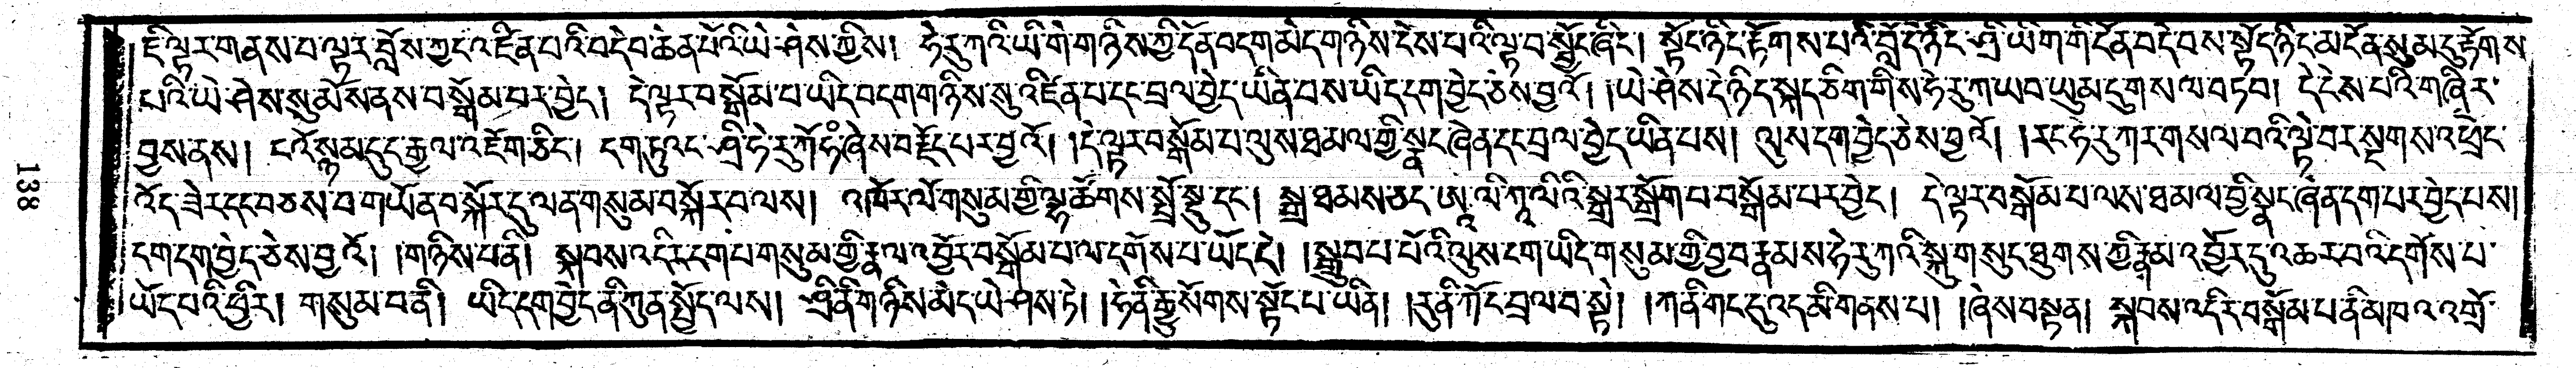ཇི་ལྟར་གནས་པ་ལྟར་བློས་ཀྱང་འཛིན་པའི་བདེ་བ་ཆེན་པོའི་ཡེ་ཤེས་ཀྱིས། ཧེ་རུ་ཀའི་ཡི་གེ་གཉིས་ཀྱི་དོན་བདག་མེད་གཉིས་ངེས་པའི་ལྟ་བ་སྦྱོང་ཞིང་། སྟོང་ཉིད་རྟོགས་པའི་བློ་དེ་ཉིད་ཤྲི་ཡིག་གི་དོན་བདེ་བས་སྟོད་ཉིད་མངོན་སུམ་དུ་རྟོགས་
པའི་ཡེ་ཤེས་སུ་མོས་ནས་བསྒོམ་པར་བྱེད། དེ་ལྟར་བསྒོམ་པ་ཡིད་བདག་གཉིས་སུ་འཛིན་པ་དང་བྲལ་བྱེད་ཡིན་པས་ཡིད་དག་བྱེད་ཅེས་བྱའོ། །ཡེ་ཤེས་དེ་ཉིད་སྐད་ཅིག་གིས་ཧེ་རུ་ཀ་ཡབ་ཡུམ་དུ་གསལ་བཏབ། དེ་ངེས་པའི་གཞིར་
བྱས་ནས། ངའོ་སྙམ་དུ་ང་རྒྱལ་འཇོག་ཅིང་། དག་ཏུའང་ཤྲི་ཧེ་རུ་ཀོཧཾ་ཞེས་བརྗོད་པར་བྱའོ། །དེ་ལྟར་བསྒོམ་པ་ལུས་ཐ་མལ་གྱི་སྣང་ཞེན་དང་བྲལ་བྱེད་ཡིན་པས། ལུས་དག་བྱེད་ཅེས་བྱའོ། །རང་ཧེ་རུ་ཀར་གསལ་བའི་ལྟེ་བར་སྔགས་འཕྲེང་
འོད་ཟེར་དང་བཅས་བ་གཡོན་བསྐོར་དུ་ལན་གསུམ་བསྐོར་བ་ལས། འཁོར་ལོ་གསུམ་གྱི་ལྷ་ཚོགས་སྤྲོ་སྡུ་དང་། སྒྲ་ཐམས་ཅད་ཨཱ་ལི་ཀཱ་ལིའི་སྒྲར་སྒྲོག་པ་བསྒོམ་པར་བྱེད། དེ་ལྟར་བསྒོམ་པ་ལས་ཐ་མལ་བྱི་སྣང་ཞེན་དག་པར་བྱེད་པས།
དག་དག་བྱེད་ཅེས་བྱའོ། །གཉིས་པ་ནི། སྐབས་འདིར་དག་པ་གསུམ་གྱི་རྣལ་འབྱོར་བསྒོམ་པ་ལ་དགོས་པ་ཡོད་དེ། །སྒྲུབ་པ་པོའི་ལུས་ངག་ཡིད་གསུམ་གྱི་བྱ་བ་རྣམས་ཧེ་རུ་ཀའི་སྐུ་གསུང་ཐུགས་ཀྱི་རྣམ་འབྱོར་དུ་འཆར་བའི་དགོས་པ་
ཡོད་པའི་ཕྱིར། གསུམ་པ་ནི། ཡིད་དག་བྱེད་ནི་ཀུན་སྤྱོད་ལས། ཤྲི་ནི་གཉིས་མེད་ཡེ་ཤས་ཏེ། །ཧེ་ནི་རྒྱུ་སོགས་སྟོང་པ་ཡིན། །རུ་ནི་ཀོ་ང་བྲལ་བ་སྟེ། །ཀ་ནི་གང་དུ་འད་མི་གནས་པ། །ཞེས་བསྟན། སྐབས་འདིར་བསྒོམ་པ་ནི་མཁའ་འགྲོ་